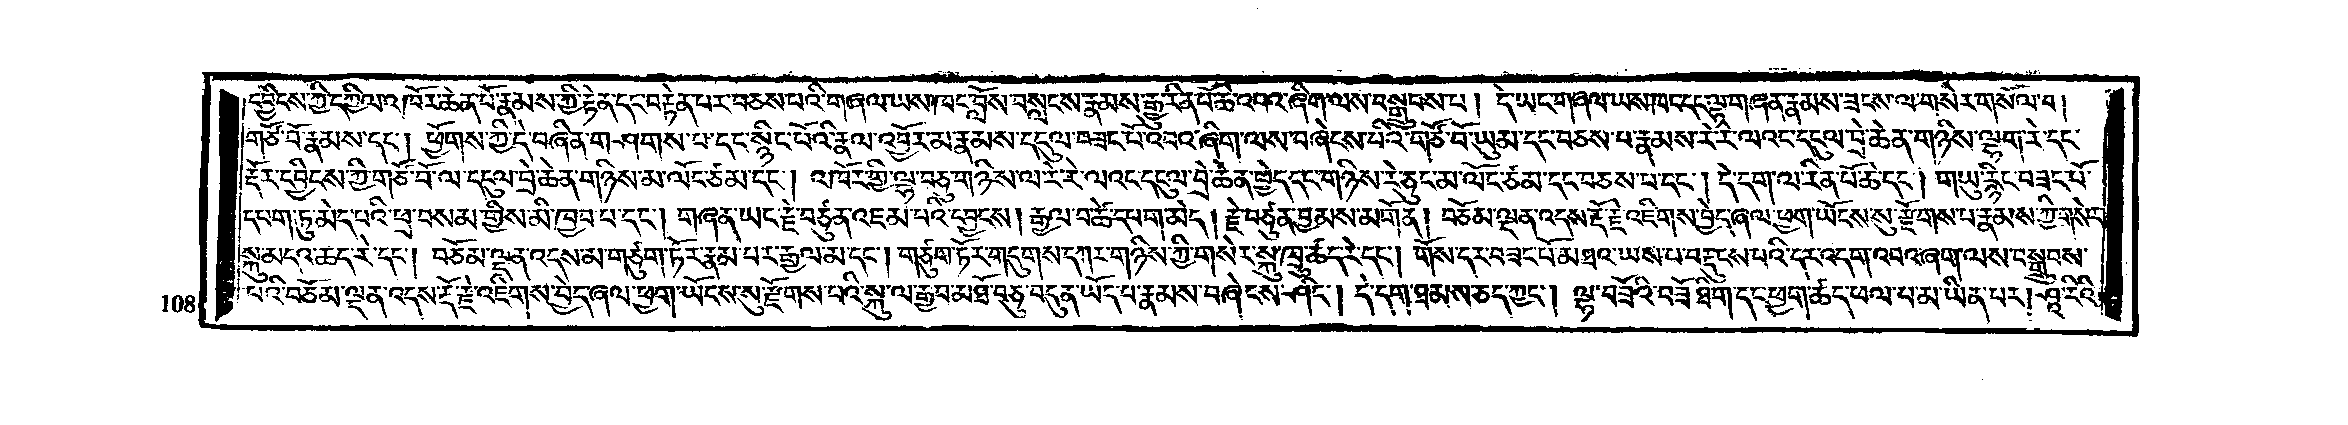དབྱིངས་ཀྱི་དཀྱིལ་འཁོར་ཆེན་པོ་རྣམས་ཀྱི་རྟེན་དང་བརྟེན་པར་བཅས་པའི་གཞལ་ཡས་ཁང་བློས་བསླངས་རྣམས་རྒྱུ་རིན་པོ་ཆེ་འབའ་ཞིག་ལས་བསྒྲུབས་པ། དེ་ཡང་གཞལ་ཡས་ཁང་དང་ལྷ་གཞན་རྣམས་ཟངས་ལ་གསེར་གསོལ་བ།
གཙོ་བོ་རྣམས་དང་། ཕྱོགས་ཀྱི་དེ་བཞིན་གཤགས་པ་དང་སྙིང་པོའི་རྣལ་འབྱོར་མ་རྣམས་དངུལ་བཟང་པོ་འབའ་ཞིག་ལས་བཞེངས་པའི་གཙོ་བོ་ཡུམ་དང་བཅས་པ་རྣམས་རེ་རེ་ལའང་དངུལ་བྲེ་ཆེན་གཉིས་ལྷག་རེ་དང་
རྡོར་དབྱིངས་ཀྱི་གཙོ་བོ་ལ་དངུལ་བྲེ་ཆེན་གཉིས་མ་ལོང་ཙམ་དང་། འཁོར་གྱི་ལྷ་བཅུ་གཉིས་ལ་རེ་རེ་ལའང་དངུལ་བྲེ་ཆེན་བྱེད་དང་གཉིས་རེ་ཅུང་མ་ལོང་ཙམ་དང་བཅས་པ་དང་། དེ་དག་ལ་རིན་པོ་ཆེ་དང་། གཡུ་རྙིང་བཟང་པོ་
དཔག་ཏུ་མེད་པའི་ཕྲ་བསམ་གྱིས་མི་ཁྱབ་པ་དང་། གཞན་ཡང་རྗེ་བཙུན་འཇམ་པའི་དབྱངས། རྒྱལ་བ་ཚེ་དཔག་མེད། རྗེ་བཙུན་བྱམས་མགོན། བཅོམ་ལྡན་འདས་རྡོ་རྗེ་འཇིགས་བྱེད་ཞལ་ཕྱག་ཡོངས་སུ་རྫོགས་པ་རྣམས་ཀྱི་གསེར་
སྐུ་མདའ་ཆད་རེ་དང་། བཅོམ་ལྡན་འདས་མ་གཙུག་ཏོར་རྣམ་པར་རྒྱལ་མ་དང་། གཙུག་ཏོར་གདུགས་དཀར་གཉིས་ཀྱི་གསེར་སྐུ་ཁྲུ་ཚད་རེ་དང་། གོས་དར་བཟང་པོ་མཐའ་ཡས་པ་བརྡུངས་པའི་དར་འདག་འབའ་ཞག་ལས་བསྒྲུབས་
པའི་བཅོམ་ལྡན་འདས་རྡོ་རྗེ་འཇིགས་བྱེད་ཞལ་ཕྱག་ཡོངས་སུ་རྫོགས་པའི་སྐུ་ལ་རྒྱབ་མཐོ་བཅུ་བདུན་ཡོད་པ་རྣམས་བཞེངས་ཤིང་། དེ་དག་ཐམས་ཅད་ཀྱང་། ལྷ་བཟོའི་བཟོ་ཐིག་དང་ཕྱག་ཚད་ཕལ་པ་མ་ཡིན་པར། ཤཱ་རིའི་